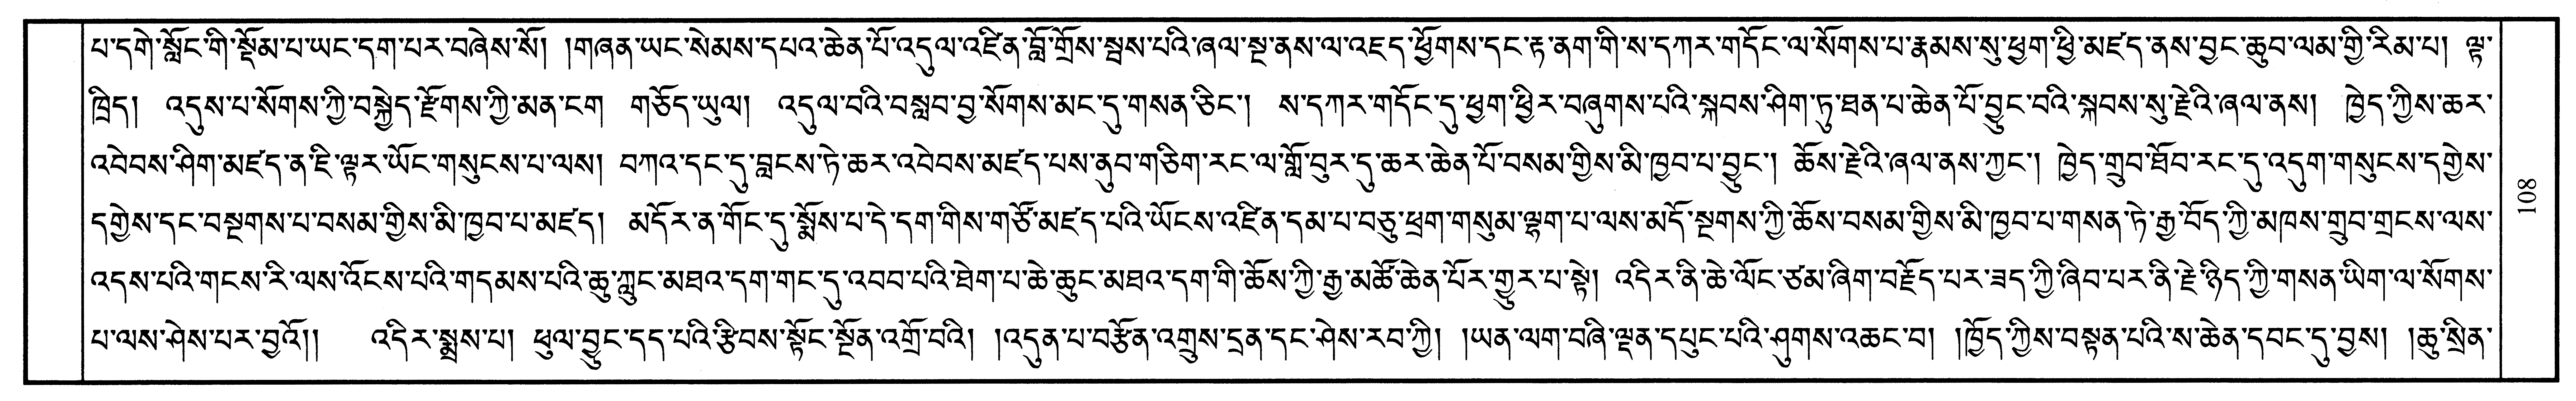པ་དགེ་སློང་གི་སྡོམ་པ་ཡང་དག་པར་བཞེས་སོ། །གཞན་ཡང་སེམས་དཔའ་ཆེན་པོ་འདུལ་འཛིན་བློ་གྲོས་སྦས་པའི་ཞལ་སྔ་ནས་ལ་འཇད་ཕྱོགས་དང་རྟ་ནག་གི་ས་དཀར་གདོང་ལ་སོགས་པ་རྣམས་སུ་ཕྱག་ཕྱི་མཛད་ནས་བྱང་ཆུབ་ལམ་གྱི་རིམ་པ། ལྟ་
ཁྲིད། འདུས་པ་སོགས་ཀྱི་བསྐྱེད་རྫོགས་ཀྱི་མན་ངག་གཅོད་ཡུལ། འདུལ་བའི་བསླབ་བྱ་སོགས་མང་དུ་གསན་ཅིང་། ས་དཀར་གདོང་དུ་ཕྱག་ཕྱིར་བཞུགས་པའི་སྐབས་ཤིག་ཏུ་ཐན་པ་ཆེན་པོ་བྱུང་བའི་སྐབས་སུ་རྗེའི་ཞལ་ནས། ཁྱེད་ཀྱིས་ཆར་
འབེབས་ཤིག་མཛད་ན་ཇི་ལྟར་ཡོང་གསུངས་པ་ལས། བཀའ་དང་དུ་བླངས་ཏེ་ཆར་འབེབས་མཛད་པས་ནུབ་གཅིག་རང་ལ་གློ་བུར་དུ་ཆར་ཆེན་པོ་བསམ་གྱིས་མི་ཁྱབ་པ་བྱུང་། ཆོས་རྗེའི་ཞལ་ནས་ཀྱང་། ཁྱེད་གྲུབ་ཐོབ་རང་དུ་འདུག་གསུངས་དགྱེས་
དགྱེས་དང་བསྔགས་པ་བསམ་གྱིས་མི་ཁྱབ་པ་མཛད། མདོར་ན་གོང་དུ་སྨོས་པ་དེ་དག་གིས་གཙོ་མཛད་པའི་ཡོངས་འཛིན་དམ་པ་བཅུ་ཕྲག་གསུམ་ལྷག་པ་ལས་མདོ་སྔགས་ཀྱི་ཆོས་བསམ་གྱིས་མི་ཁྱབ་པ་གསན་ཏེ་རྒྱ་བོད་ཀྱི་མཁས་གྲུབ་གྲངས་ལས་
འདས་པའི་གངས་རི་ལས་འོངས་པའི་གདམས་པའི་ཆུ་ཀླུང་མཐའ་དག་གང་དུ་འབབ་པའི་ཐེག་པ་ཆེ་ཆུང་མཐའ་དག་གི་ཆོས་ཀྱི་རྒྱ་མཚོ་ཆེན་པོར་གྱུར་པ་སྟེ། འདིར་ནི་ཆེ་ལོང་ཙམ་ཞིག་བརྗོད་པར་ཟད་ཀྱི་ཞིབ་པར་ནི་རྗེ་ཉིད་ཀྱི་གསན་ཡིག་ལ་སོགས་
པ་ལས་ཤེས་པར་བྱའོ། །འདིར་སྨྲས་པ། ཕུལ་བྱུང་དད་པའི་རྩིབས་སྟོང་སྔོན་འགྲོ་བའི། །འདུན་པ་བརྩོན་འགྲུས་དྲན་དང་ཤེས་རབ་ཀྱི། །ཡན་ལག་བཞི་ལྡན་དཔུང་པའི་ཤུགས་འཆང་བ། །ཁྱོད་ཀྱིས་བསྟན་པའི་ས་ཆེན་དབང་དུ་བྱས། །ཆུ་སྲིན་